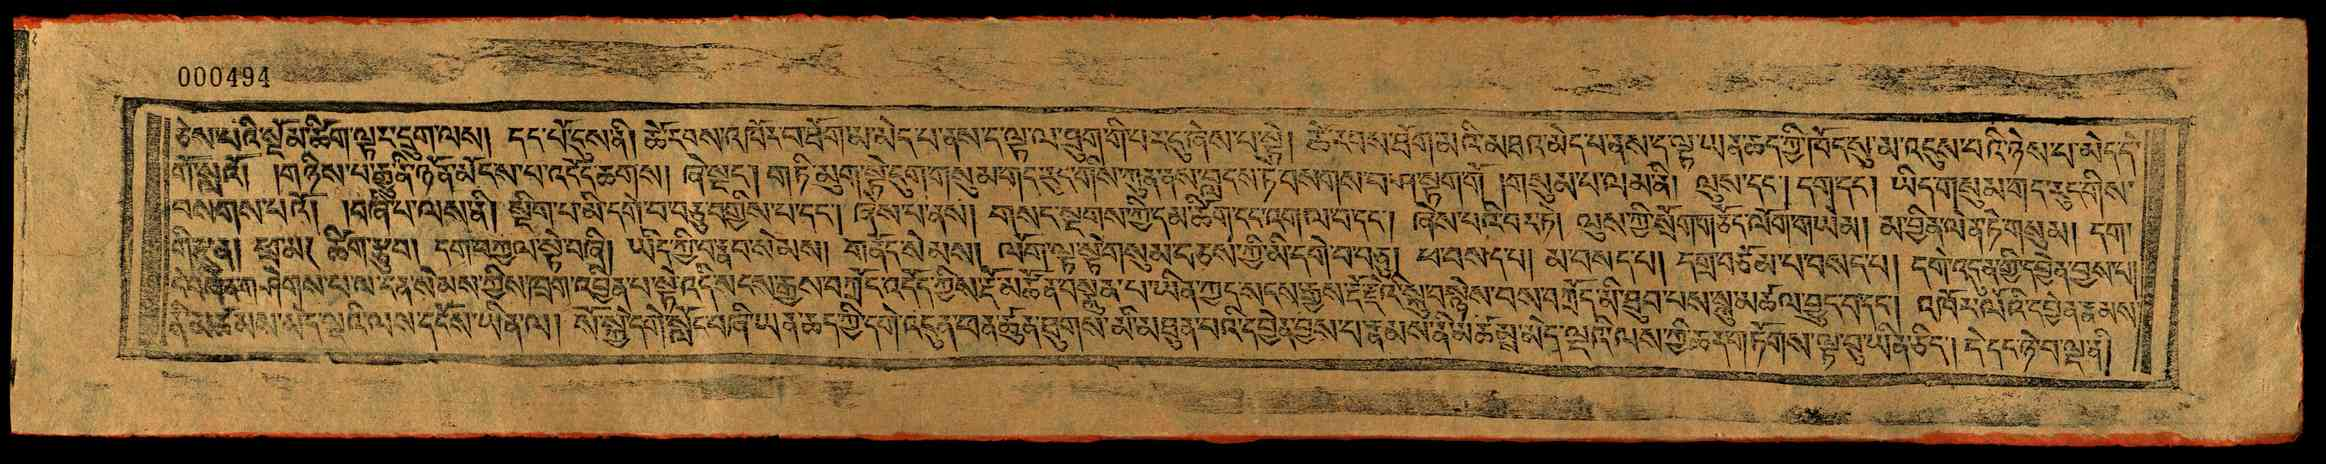ཅེས་པའི་སྡོམ་ཚིག་ལྟར་དྲུག་ལས། དང་པོ་དུས་ནི། ཚེ་རབས་འཁོར་བ་ཐོག་མ་མེད་པ་ནས་ད་ལྟ་ལ་ཐུག་གི་བར་དུ་ཞེས་པ་སྟེ། ཚེ་རབས་ཐོག་མའི་མཐའ་མེད་པ་ནས་ད་ལྟ་ཡན་ཆད་ཀྱི་ཁོངས་སུ་མ་འདུས་པའི་ཉེས་པ་མེད་དེ་
གོ་སླའོ། །གཉིས་པ་རྒྱུ་ནི་ཉོན་མོངས་པ་འདོད་ཆགས། ཞེ་སྡང་། གཏི་མུག་སྟེ་དུག་གསུམ་གང་རུང་གིས་ཀུན་ནས་བླངས་ཏེ་བསགས་པ་ཤ་སྟག་གོ །གསུམ་པ་ལམ་ནི། ལུས་དང་། ངག་དང་། ཡིད་གསུམ་གང་རུང་གིས་
བསགས་པའོ། །བཞི་པ་ལས་ནི། སྡིག་པ་མི་དགེ་བ་བཅུ་བགྱིས་པ་དང་། ཞེས་པ་ནས། གསང་སྔགས་ཀྱི་དམ་ཚིག་དང་འགལ་བ་དང་། ཞེས་པའི་བར་ཏེ། ལུས་ཀྱི་སྲོག་གཅོད་ལོག་གཡེམ། མ་བྱིན་ལེན་ཏེ་གསུམ། ངག་
གི་རྫུན། ཕྲ་མ༑ ཚིག་རྩུབ། ངག་བཀྱལ་སྟེ་བཞི། ཡིད་ཀྱི་བརྣབ་སེམས། གནོད་སེམས། ལོག་ལྟ་སྟེ་གསུམ་བཅས་ཀྱི་མི་དགེ་བ་བཅུ། ཕ་བསད་པ། མ་བསད་པ། དགྲ་བཅོམ་པ་བསད་པ། དགེ་འདུན་གྱི་དབྱེན་བྱས་པ།
དེ་བཞིན་གཤེགས་པ་ལ་ངན་སེམས་ཀྱིས་ཁྲག་འབྱིན་པ་སྟེ་འདི་སངས་རྒྱས་བཀྲོང་འདོད་ཀྱིས་རྡོ་མཚོན་བསྣུན་པ་ཡིན་ཀྱང་སངས་རྒྱས་རྡོ་རྗེའི་སྐུ་བསྙེས་པས་བཀྲོང་མི་ཐུབ་པས་སྐུ་མཚལ་བྱུང་བ་དང་། འཁོར་ལོའི་དབྱེན་རྣམས་
ནི་མཚམས་མེད་ལྔའི་ལས་དངོས་ཡིན་ལ། སོ་སྐྱེ་དགེ་སློང་བཞི་ཡན་ཆད་ཀྱི་དགེ་འདུན་ཕན་ཚུན་ཐུགས་མི་མཐུན་པའི་དབྱེན་བྱས་པ་རྣམས་ནི་མཚམས་མེད་ལྔའི་ལས་ཀྱི་ཆར་གཏོགས་ལྟ་བུ་ཡིན་ཅིང་། དེ་དང་ཉེ་བ་ལྔ་ནི།